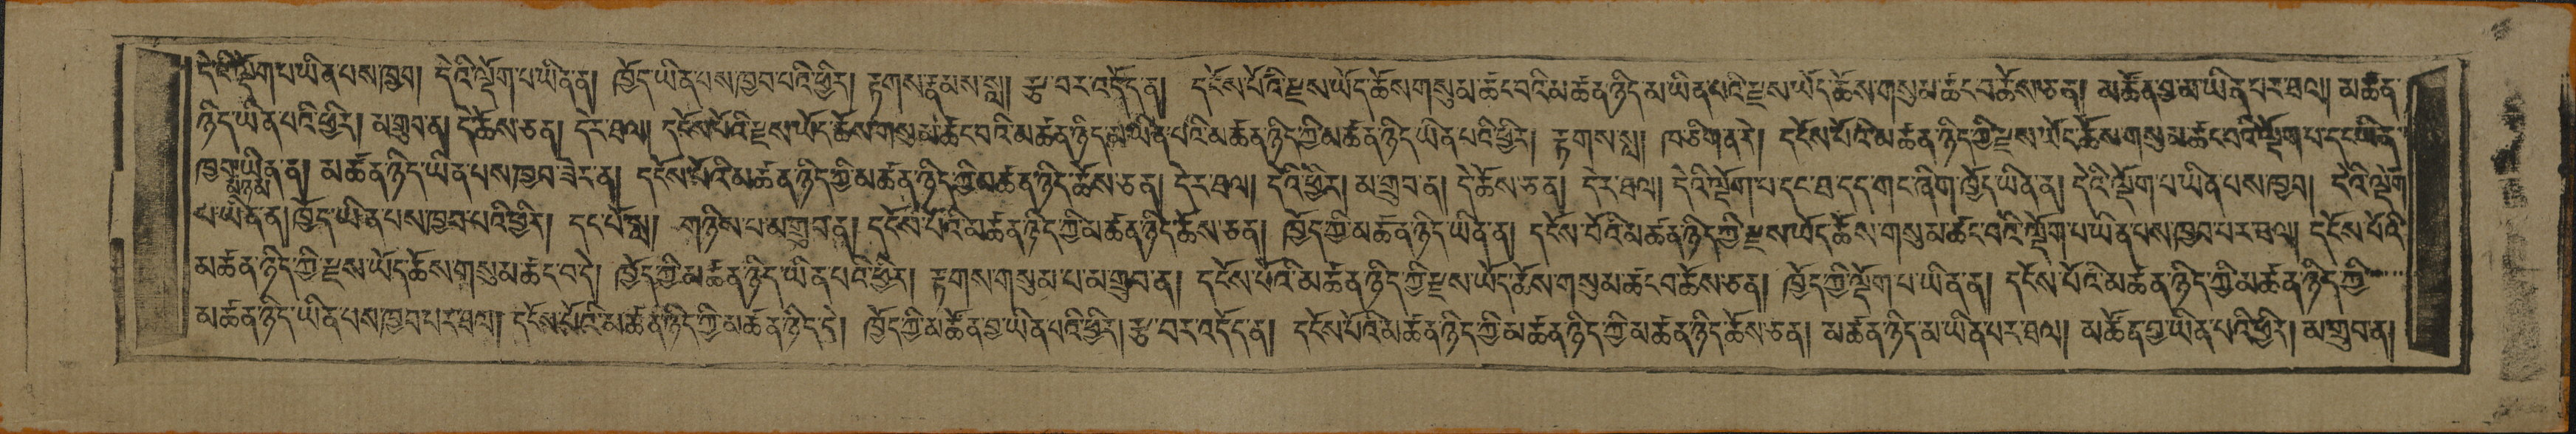དེའི་ལྡོག་པ་ཡིན་པས་ཁྱབ། དེའི་ལྡོག་པ་ཡིན་ན། ཁྱོད་ཡིན་པས་ཁྱབ་པའི་ཕྱིར། རྟགས་རྣམས་སླ། རྩ་བར་འདོད་ན། དངོས་པོའི་རྫས་ཡོད་ཆོས་གསུམ་ཚང་བའི་མཚན་ཉིད་མ་ཡིན་པའི་རྫས་ཡོད་ཆོས་གསུམ་ཚང་བ་ཆོས་ཅན། མཚོན་བྱ་མ་ཡིན་པར་ཐལ། མཚན་
ཉིད་ཡིན་པའི་ཕྱིར། མ་གྲུབ་ན། དེ་ཆོས་ཅན། དེར་ཐལ། དངོས་པོའི་རྫས་ཡོད་ཆོས་གསུམ་ཚང་བའི་མཚན་ཉིད་མ་ཡིན་པའི་མཚན་ཉིད་ཀྱི་མཚན་ཉིད་ཡིན་པའི་ཕྱིར། རྟགས་སླ། ཁ་ཅིག་ན་རེ། དངོས་པོའི་མཚན་ཉིད་ཀྱི་རྫས་ཡོད་ཆོས་གསུམ་ཚང་བའི་ལྡོག་པ་དང་ཡིན་
ཁྱབ་མཉམ་ཡིན་ན། མཚན་ཉིད་ཡིན་པས་ཁྱབ་ཟེར་ན། དངོས་པོའི་མཚན་ཉིད་ཀྱི་མཚན་ཉིད་ཀྱི་མཚན་ཉིད་ཆོས་ཅན། དེར་ཐལ། དེའི་ཕྱིར། མ་གྲུབ་ན། དེ་ཆོས་ཅན། དེར་ཐལ། དེའི་ལྡོག་པ་དང་ཐ་དད་གང་ཞིག་ཁྱོད་ཡིན་ན། དེའི་ལྡོག་པ་ཡིན་པས་ཁྱབ། དེའི་ལྡོག་
པ་ཡིན་ན། ཁྱོད་ཡིན་པས་ཁྱབ་པའི་ཕྱིར། དང་པོ་སླ། གཉིས་པ་མ་གྲུབ་ན། དངོས་པོའི་མཚན་ཉིད་ཀྱི་མཚན་ཉིད་ཆོས་ཅན། ཁྱོད་ཀྱི་མཚན་ཉིད་ཡིན་ན། དངོས་པོའི་མཚན་ཉིད་ཀྱི་རྫས་ཡོད་ཆོས་གསུམ་ཚང་བའི་ལྡོག་པ་ཡིན་པས་ཁྱབ་པར་ཐལ། དངོས་པོའི་
མཚན་ཉིད་ཀྱི་རྫས་ཡོད་ཆོས་གསུམ་ཚང་བ་དེ། ཁྱོད་ཀྱི་མཚན་ཉིད་ཡིན་པའི་ཕྱིར། རྟགས་གསུམ་པ་མ་གྲུབ་ན། དངོས་པོའི་མཚན་ཉིད་ཀྱི་རྫས་ཡོད་ཆོས་གསུམ་ཚང་བ་ཆོས་ཅན། ཁྱོད་ཀྱི་ལྡོག་པ་ཡིན་ན། དངོས་པོའི་མཚན་ཉིད་ཀྱི་མཚན་ཉིད་ཀྱི་
མཚན་ཉིད་ཡིན་པས་ཁྱབ་པར་ཐལ། དངོས་པོའི་མཚན་ཉིད་ཀྱི་མཚན་ཉིད་དེ། ཁྱོད་ཀྱི་མཚོན་བྱ་ཡིན་པའི་ཕྱིར། རྩ་བར་འདོད་ན། དངོས་པོའི་མཚན་ཉིད་ཀྱི་མཚན་ཉིད་ཀྱི་མཚན་ཉིད་ཆོས་ཅན། མཚན་ཉིད་མ་ཡིན་པར་ཐལ། མཚོན་བྱ་ཡིན་པའི་ཕྱིར། མ་གྲུབ་ན།